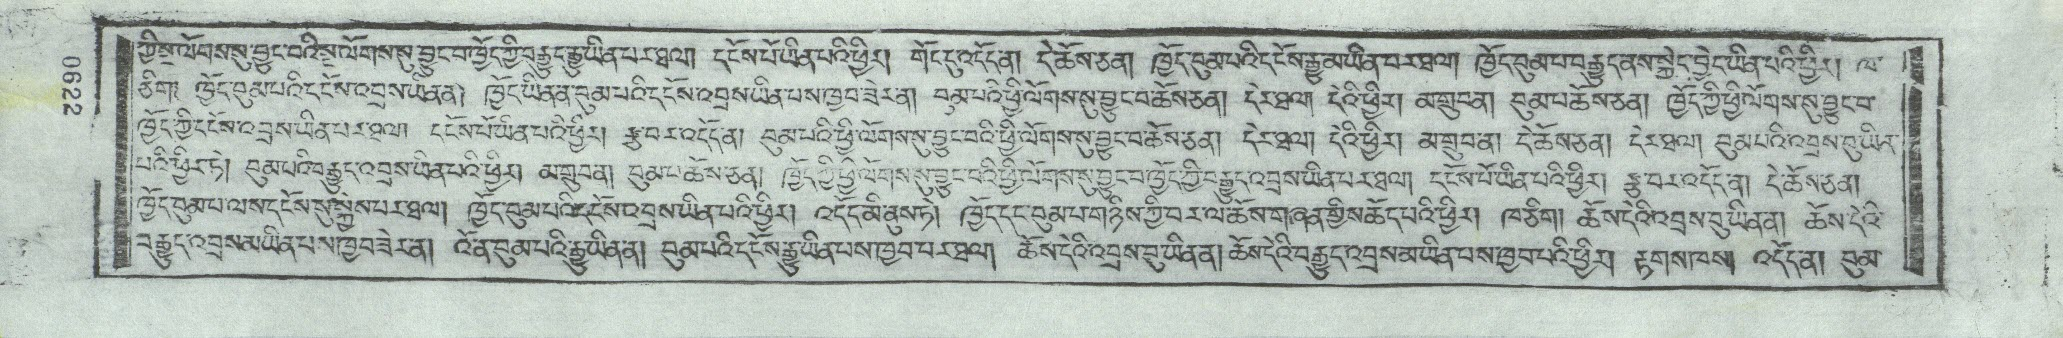ཀྱི་སྲུ་ལོགས་སུ་བྱུང་བའི་སུ་ལོགས་སུ་བྱུང་བ་ཁྱོད་ཀྱི་བརྒྱུད་རྒྱུ་ཡིན་པར་ཐལ། དངོས་པོ་ཡིན་པའི་ཕྱིར། གོང་དུ་འདོད་ན། དེ་ཆོས་ཅན། ཁྱོད་བུམ་པའི་དངོས་རྒྱུ་མ་ཡིན་པར་ཐལ། ཁྱོད་བུམ་པ་བརྒྱུད་ནས་སྐྱེད་བྱེད་ཡིན་པའི་ཕྱིར། ཁ་
ཅིག། ཁྱོད་བུམ་པའི་དངོས་འབྲས་ཡིན་ན། ཁྱོད་ཡིན་ན་བུམ་པའི་དངོས་འབྲས་ཡིན་པས་ཁྱབ་ཟེར་ན། བུམ་པའི་ཕྱི་ལོགས་སུ་བྱུང་བ་ཆོས་ཅན། དེར་ཐལ། དེའི་ཕྱིར། མ་གྲུབ་ན། བུམ་པ་ཆོས་ཅན། ཁྱོད་ཀྱི་ཕྱི་ལོགས་སུ་བྱུང་བ་
ཁྱོད་ཀྱི་དངོས་འབྲས་ཡིན་པར་ཐལ། དངོས་པོ་ཡིན་པའི་ཕྱིར། རྩ་བར་འདོད་ན། བུམ་པའི་ཕྱི་ལོགས་སུ་བྱུང་བའི་ཕྱི་ལོགས་སུ་བྱུང་བ་ཆོས་ཅན། དེར་ཐལ། དེའི་ཕྱིར། མ་གྲུབ་ན། དེ་ཆོས་ཅན། དེར་ཐལ། བུམ་པའི་འབྲས་བུ་ཡིན་
པའི་ཕྱིར་ཏེ། བུམ་པའི་བརྒྱུད་འབྲས་ཡིན་པའི་ཕྱིར། མ་གྲུབ་ན། བུམ་པ་ཆོས་ཅན། ཁྱོད་ཀྱི་ཕྱི་ལོགས་སུ་བྱུང་བའི་ཕྱི་ལོགས་སུ་བྱུང་བ་ཁྱོད་ཀྱི་བརྒྱུད་འབྲས་ཡིན་པར་ཐལ། དངོས་པོ་ཡིན་པའི་ཕྱིར། རྩ་བར་འདོད་ན། དེ་ཆོས་ཅན།
ཁྱོད་བུམ་པ་ལས་དངོས་སུ་སྐྱེས་པར་ཐལ། ཁྱོད་བུམ་པའི་དངོས་འབྲས་ཡིན་པའི་ཕྱིར། འདོད་མི་ནུས་ཏེ། ཁྱོད་དང་བུམ་པ་གཉིས་ཀྱི་བར་ལ་ཆོས་གཞན་གྱིས་ཆོད་པའི་ཕྱིར། ཁ་ཅིག། ཆོས་དེའི་འབྲས་བུ་ཡིན་ན། ཆོས་དེའི་
བརྒྱུད་འབྲས་མ་ཡིན་པས་ཁྱབ་ཟེར་ན། འོ་ན་བུམ་པའི་རྒྱུ་ཡིན་ན། བུམ་པའི་དངོས་རྒྱུ་ཡིན་པས་ཁྱབ་པར་ཐལ། ཆོས་དེའི་འབྲས་བུ་ཡིན་ན། ཆོས་དེའི་བརྒྱུད་འབྲས་མ་ཡིན་པས་ཁྱབ་པའི་ཕྱིར། རྟགས་ཁས། འདོད་ན། བུམ་